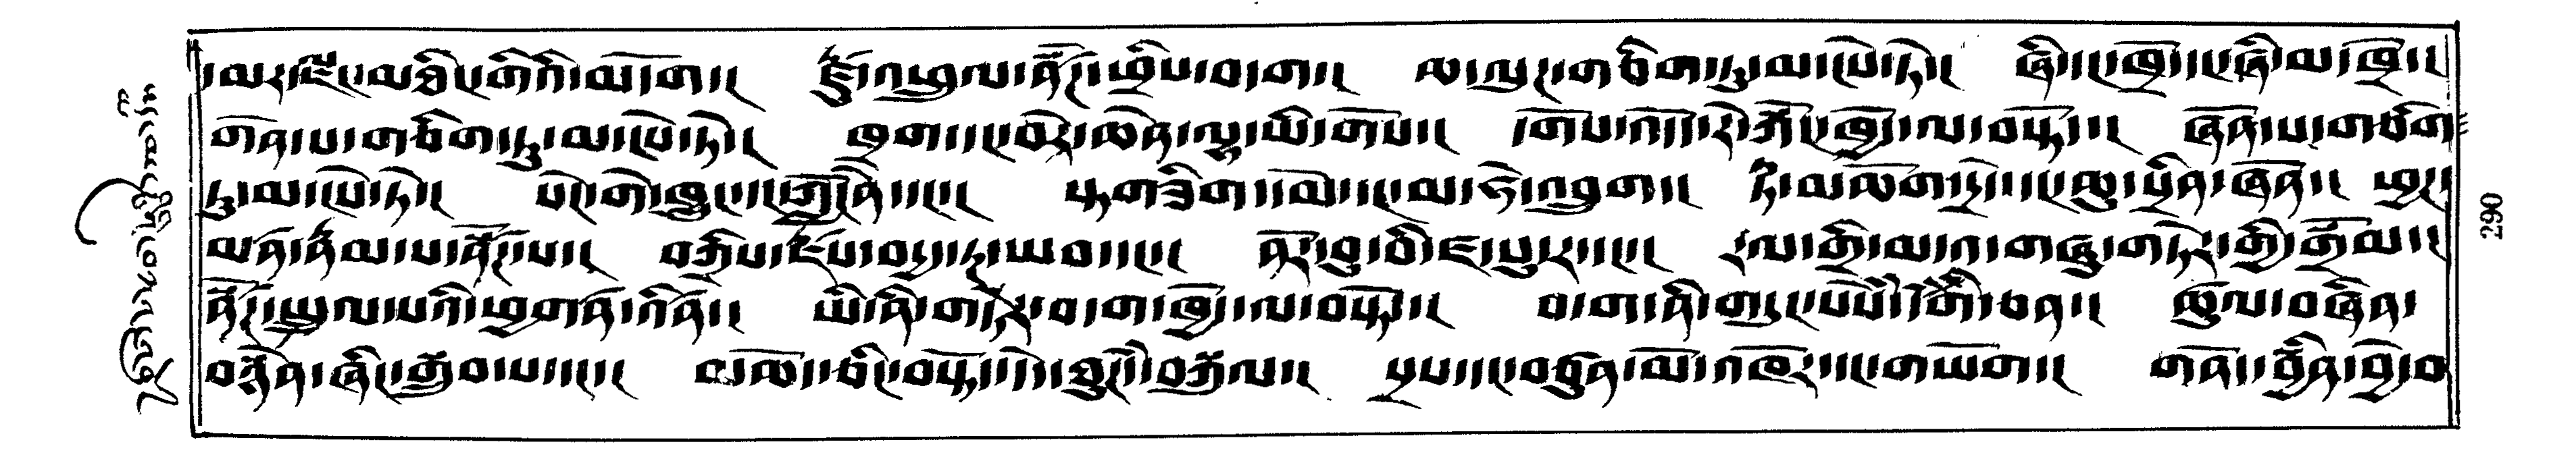དམར་ལྗང་མཐིང་གའི་མདོག །རྫུ་འཕྲུལ་སྣ་ཚོགས་ཕྲིན་ལས་བདག །ཆ་ལུགས་གཅིག་ཏུ་མ་ངེས་ཏེ། །ཞི་དང་ཁྲོ་དང་ཞི་མ་ཁྲོ། །
གོན་པ་གཅིག་ཏུ་མ་ངེས་ཏེ། །ཁྲབ་དང་བེར་ཆེན་ལྷ་ཡི་གོས། །དགོས་འདོད་རེ་སྐོང་ཁྱོད་ལ་བསྟོད། །ཞོན་པ་གཅིག་
ཏུ་མ་ངེས་ཏེ། །སེང་གེ་ཁྱུང་དང་གླང་ཆེན་དང་། །སྟག་གཟིག་དོམ་དང་མ་ཧེ་འབྲུག །རྟ་མཆོག་དྲེད་དང་ཆུ་སྲིན་བཞོན། །ཕྱག་
མཚན་རྣམ་པ་སྣ་ཚོགས་པ། །བཀྲ་ཤིས་རྫས་བརྒྱད་རྔ་ཡབ་དང་། །ནོར་བུ་བི་ཛ་པུ་ར་དང་། །རལ་གྲི་མདའ་གཞུ་གཏེར་གྱི་སྒྲོམ། །
སྣ་ཚོགས་སྤྲུལ་པའི་ཕྱག་མཚན་འཛིན། །ཡིད་བཞིན་གཏེར་བདག་ཁྱོད་ལ་བསྟོད། །བདག་ནི་གདུང་སེམས་དམ་ཚིག་ཅན། །ཚུལ་བཞིན་
བསྙེན་ཅིང་སྒྲུབ་པ་དང་། །མཆོད་ཅིང་བསྟོད་དེ་ཐུགས་དམ་བསྐུལ། །སྲས་དང་བཙུན་མོ་འཁོར་དང་གཡོག།གནོད་སྦྱིན་བྱེ་བ་